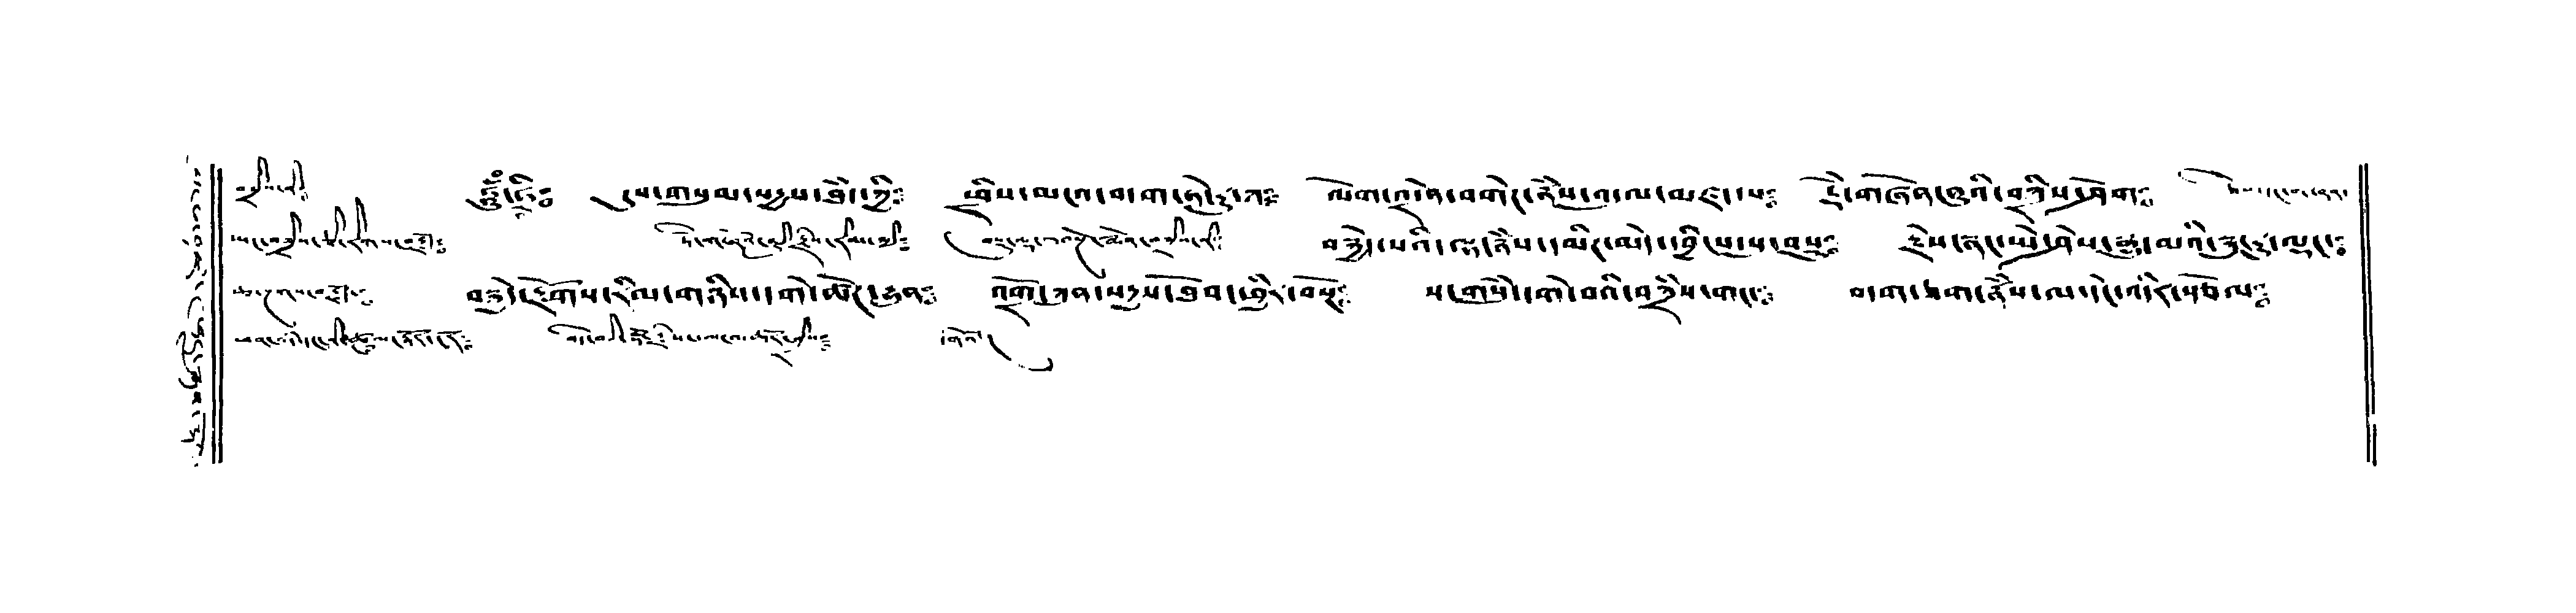བཀྲ་ཤིས་ནི༔ ཧཱུྃ་ཧྲཱིཿ དུས་གསུམ་སངས་རྒྱས་ཐམས་ཅད་ཀྱི༔ ཕྲིན་ལས་མངའ་བདག་ཧེ་རུ་ཀ༔ ལོག་འདྲེན་བགེགས་རྣམས་འདུལ་མཛད་པ༔ རྡོ་རྗེ་གཞོན་ནུའི་བཀྲ་ཤིས་ཤོག༔ ཅེས་དང་གཞན་
ཡང་བཀྲ་ཤིས་ཅི་རིགས་བརྗོད༔ རྡོ་རྗེ་གཞོན་ནུའི་རྗེས་རིམ་གྱི༔ བསྡུ་ལྡང་བསྔོ་སྨོན་བཀྲ་ཤིས་ནི༔ བསྐྱེད་པའི་ལྷ་རྣམས་དམིགས་མེད་དབྱིངས་སུ་བསྡུ༔ རྗེས་སྣང་ཡེ་ཤེས་སྒྱུ་མའི་སྐུ་རུ་ལྡང༔ 
རྩ་སྔགས་བརྗོད༔ བསྐྱེད་རྫོགས་རིམ་གཉིས་དགེ་ཚོགས་རྒྱུན༔ འགྲོ་ཀུན་སངས་རྒྱས་ཐོབ་ཕྱིར་བསྔོ༔ ས་གསུམ་དགེ་བའི་བཀྲ་ཤིས་གང༔ བདག་ཅག་རྣམས་ལ་དེང་འདིར་སྩོལ༔ 
ཕན་བདེ་དང་ནི་ཚུལ་རྡོར་ངོར༔ བདེ་བའི་རྡོ་རྗེས་ཨ་མཚར་བྲིས༔ དགེའོ།། དགེའོ།།